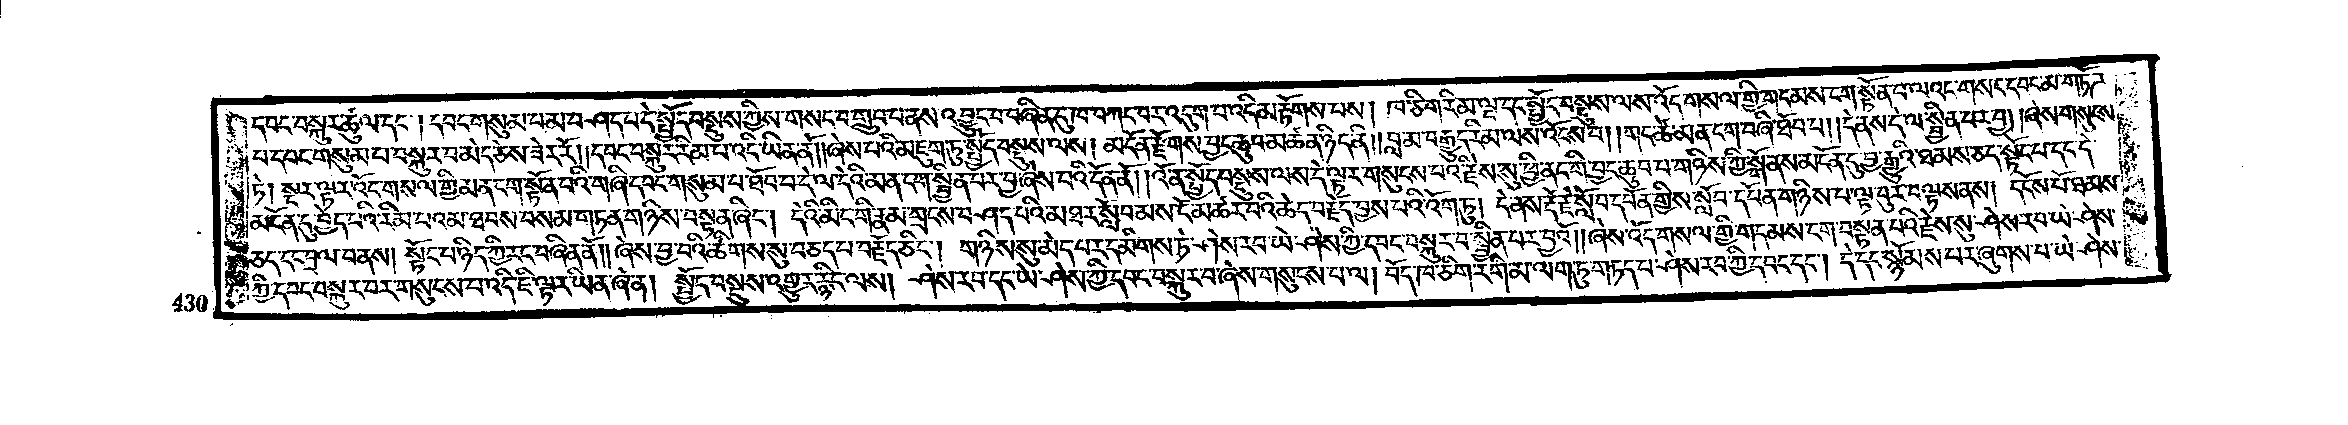དབང་བསྐུར་ཚུལ་དང་། དབང་གསུམ་པ་མ་བཤད་པ་དེ་སྤྱོད་བསྡུས་ཀྱིས་གསང་བ་གྲུབ་པ་ནས་འབྱུང་བ་བཞིན་དུ་ཁ་བཀང་བར་འདུག་པ་འདི་མ་རྟོགས་པས། ཁ་ཅིག་རིམ་ལྔ་དང་སྤྱོད་བསྡུས་ལས་འོད་གསལ་གྱི་གདམས་ངག་སྟོན་པ་ལའང་གསང་དབང་མ་གཏོགས་
པ་དབང་གསུམ་པ་བསྐུར་བ་མེད་ཅེས་ཟེར་རོ། །དབང་བསྐུར་རིམ་པ་འདི་ཡིན་ནོ། །ཞེས་པའི་མཇུག་ཏུ་སྤྱོད་བསྡུས་ལས། མངོན་རྫོགས་བྱང་ཆུབ་མཚན་ཉིད་ནི། །བླ་མ་བརྒྱུད་རིམ་ལས་འོངས་བ། །གང་ཚེ་མན་ངག་བཞི་ཐོབ་པ། །དེ་ནས་དེ་ལ་སྦྱིན་པར་བྱ། །ཞེས་གསུངས་
ཏེ། སྔར་ལྟར་འོད་གསལ་གྱི་མན་ངག་སྟོན་པའི་གཞི་དབང་གསུམ་པ་ཐོབ་པ་དེ་ལ་དེའི་མན་ངག་སྦྱིན་པར་བྱ་ཞེས་པའི་དོན་ནོ། །འོ་ན་སྤྱོད་བསྡུས་ལས་དེ་ལྟར་གསུངས་པའི་རྗེས་སུ་ཕྱི་ནང་གི་བྱང་ཆུབ་པ་གཉིས་ཀྱི་སྒོ་ནས་མངོན་དུ་བྱ་རྒྱུའི་ཐམས་ཅད་སྟོང་པ་དང་དེ་
མངོན་དུ་བྱེད་པའི་རིམ་པའམ་ཐབས་བསམ་གཏན་གཉིས་བསྟན་ཞིང་། དེའི་མིང་གི་རྣམ་གྲངས་བཤད་པའི་མཐར་སློབ་མས་ངོ་མཚར་བའི་ཆེད་བརྗོད་བྱས་པའི་འོག་ཏུ། དེ་ནས་རྡོ་རྗེ་སློབ་དཔོན་གྱིས་སློབ་དཔོན་གཉིས་པ་ལྟ་བུར་བལྟས་ནས། དངོས་པོ་ཐམས་
ཅད་དང་བྲལ་བ་ནས། སྟོང་པ་ཉིད་ཀྱི་རང་བཞིན་ནོ། །ཞེས་བྱ་བའི་ཚིགས་སུ་བཅད་པ་བརྗོད་ཅིང་། གཉིས་སུ་མེད་པར་དམིགས་ཏེ་ཤེས་རབ་ཡེ་ཤེས་ཀྱི་དབང་བསྐུར་བ་སྦྱིན་པར་བྱའོ། །ཞེས་འོད་གསལ་གྱི་གདམས་ངག་བསྟན་པའི་རྗེས་སུ་ཤེས་རབ་ཡེ་ཤེས་
ཀྱི་དབང་བསྐུར་བར་གསུངས་པ་འདི་ཇི་ལྟར་ཡིན་ཞེ་ན། སྤྱོད་བསྡུས་འགྱུར་རྙིང་ལས། ཤེས་རབ་དང་ཡེ་ཤེས་ཀྱི་དབང་བསྐུར་བ་ཞེས་གསུངས་པ་ལ། བོད་ཁ་ཅིག་རིག་མ་ལག་ཏུ་གཏད་པ་ཤེས་རབ་ཀྱི་དབང་དང་། དེ་དང་སྙོམས་པར་ཞུགས་པ་ཡེ་ཤེས་